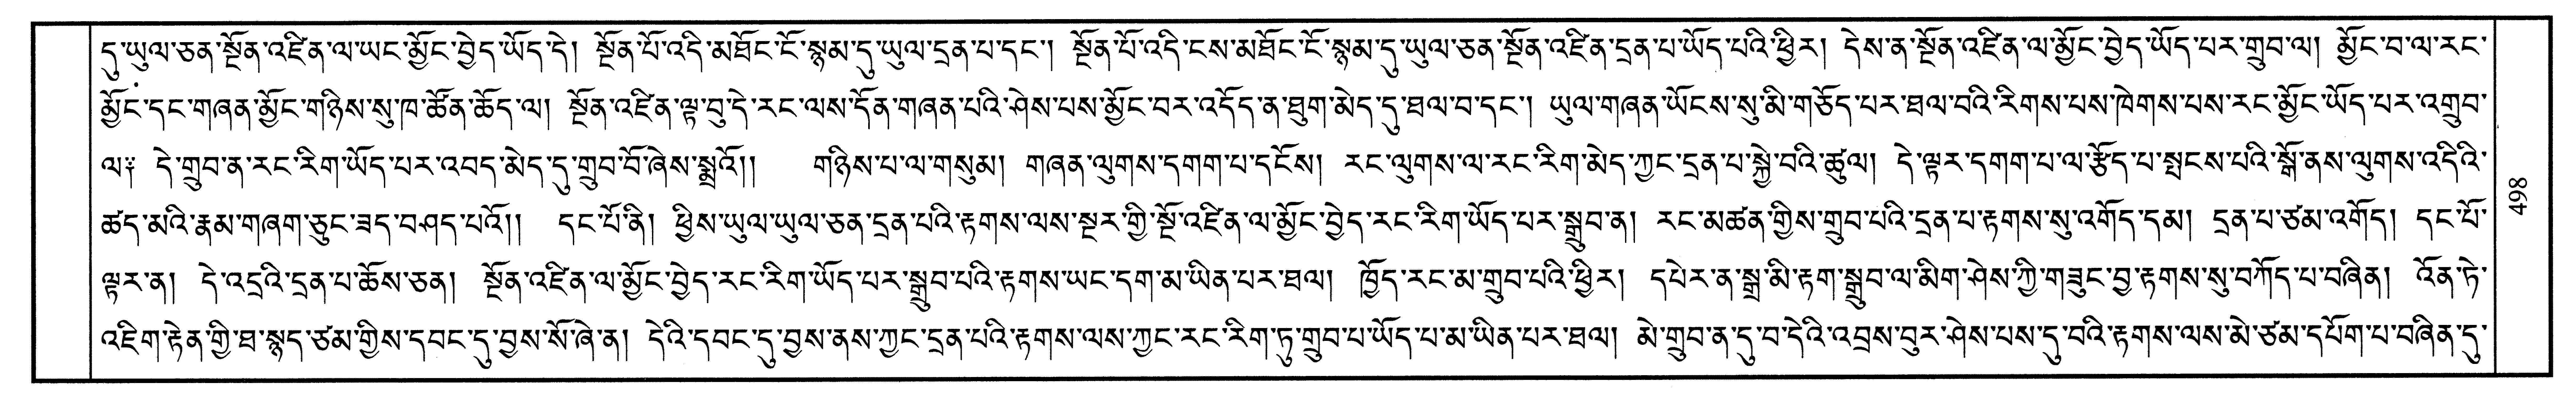དུ་ཡུལ་ཅན་སྔོན་འཛིན་ལ་ཡང་མྱོང་བྱེད་ཡོད་དེ། སྔོན་པོ་འདི་མཐོང་ངོ་སྙམ་དུ་ཡུལ་དྲན་པ་དང་། སྔོན་པོ་འདི་ངས་མཐོང་ངོ་སྙམ་དུ་ཡུལ་ཅན་སྔོན་འཛིན་དྲན་པ་ཡོད་པའི་ཕྱིར། དེས་ན་སྔོན་འཛིན་ལ་མྱོང་བྱེད་ཡོད་པར་གྲུབ་ལ། མྱོང་བ་ལ་རང་
མྱོང་དང་གཞན་མྱོང་གཉིས་སུ་ཁ་ཚོན་ཆོད་ལ། སྔོན་འཛིན་ལྟ་བུ་དེ་རང་ལས་དོན་གཞན་པའི་ཤེས་པས་མྱོང་བར་འདོད་ན་ཐུག་མེད་དུ་ཐལ་བ་དང་། ཡུལ་གཞན་ཡོངས་སུ་མི་གཅོད་པར་ཐལ་བའི་རིགས་པས་ཁེགས་པས་རང་མྱོང་ཡོད་པར་འགྲུབ་
ལ། དེ་གྲུབ་ན་རང་རིག་ཡོད་པར་འབད་མེད་དུ་གྲུབ་བོ་ཞེས་སྨྲའོ།། གཉིས་པ་ལ་གསུམ། གཞན་ལུགས་དགག་པ་དངོས། རང་ལུགས་ལ་རང་རིག་མེད་ཀྱང་དྲན་པ་སྐྱེ་བའི་ཚུལ། དེ་ལྟར་དགག་པ་ལ་རྩོད་པ་སྤངས་པའི་སྒོ་ནས་ལུགས་འདིའི་
ཚད་མའི་རྣམ་གཞག་ཅུང་ཟད་བཤད་པའོ།། དང་པོ་ནི། ཕྱིས་ཡུལ་ཡུལ་ཅན་དྲན་པའི་རྟགས་ལས་སྔར་གྱི་སྔོ་འཛིན་ལ་མྱོང་བྱེད་རང་རིག་ཡོད་པར་སྒྲུབ་ན། རང་མཚན་གྱིས་གྲུབ་པའི་དྲན་པ་རྟགས་སུ་འགོད་དམ། དྲན་པ་ཙམ་འགོད། དང་པོ་
ལྟར་ན། དེ་འདྲའི་དྲན་པ་ཆོས་ཅན། སྔོན་འཛིན་ལ་མྱོང་བྱེད་རང་རིག་ཡོད་པར་སྒྲུབ་པའི་རྟགས་ཡང་དག་མ་ཡིན་པར་ཐལ། ཁྱོད་རང་མ་གྲུབ་པའི་ཕྱིར། དཔེར་ན་སྒྲ་མི་རྟག་སྒྲུབ་ལ་མིག་ཤེས་ཀྱི་གཟུང་བྱ་རྟགས་སུ་བཀོད་པ་བཞིན། འོན་ཏེ་
འཇིག་རྟེན་གྱི་ཐ་སྙད་ཙམ་གྱིས་དབང་དུ་བྱས་སོ་ཞེ་ན། དེའི་དབང་དུ་བྱས་ནས་ཀྱང་དྲན་པའི་རྟགས་ལས་ཀྱང་རང་རིག་ཏུ་གྲུབ་པ་ཡོད་པ་མ་ཡིན་པར་ཐལ། མེ་གྲུབ་ན་དུ་བ་དེའི་འབྲས་བུར་ཤེས་པས་དུ་བའི་རྟགས་ལས་མེ་ཙམ་དཔོག་པ་བཞིན་དུ་